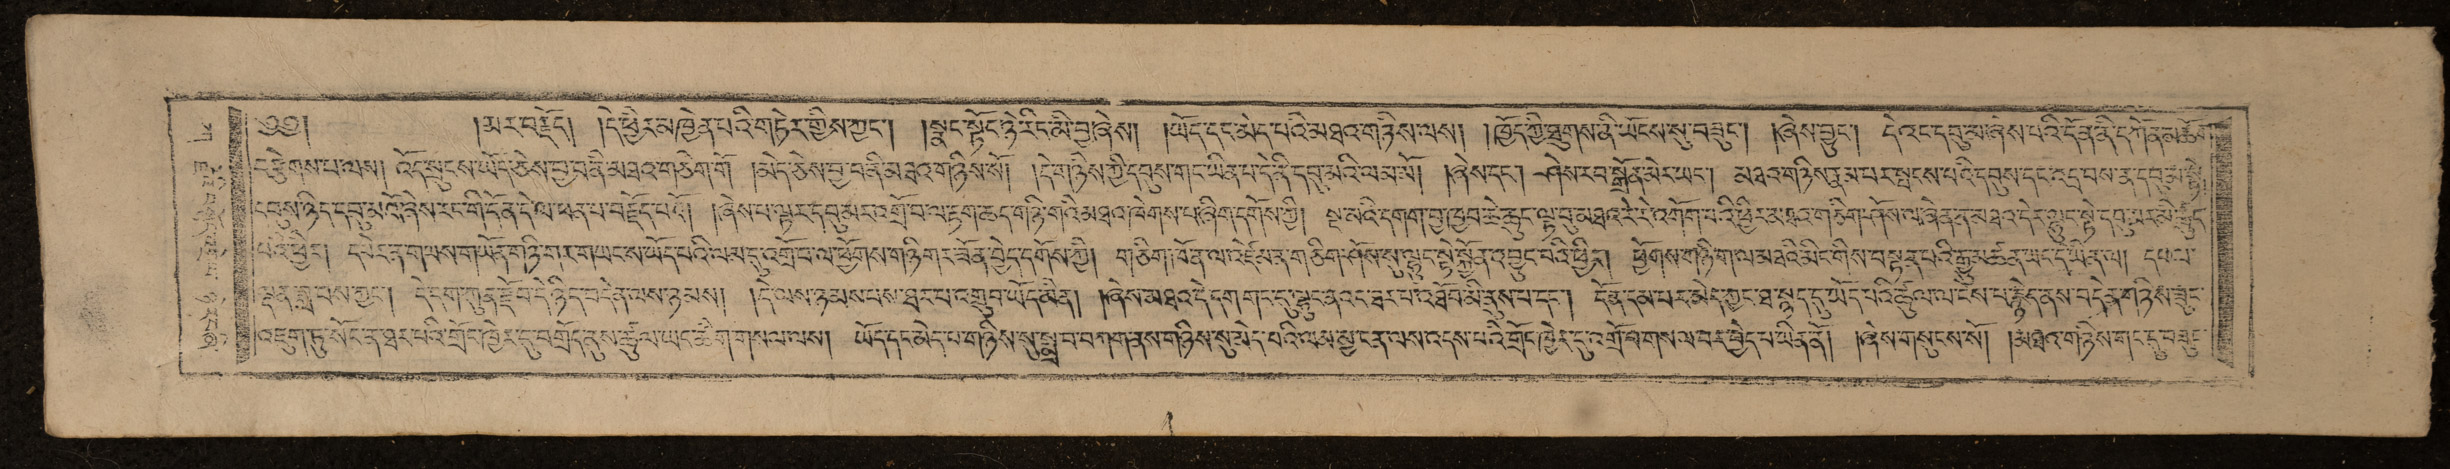༄༅། །མར་བརྗོད། །དེ་ཕྱིར་མཁྱེན་པའི་གཏེར་གྱིས་ཀྱང་། །སྣང་སྟོང་ཉེ་རིང་མི་བྱ་ཞེས། །ཡོད་དང་མེད་པའི་མཐའ་གཉིས་ལས། །ཁྱོད་ཀྱི་ཐུགས་ནི་ཡོངས་སུ་བཟུང་། །ཞེས་བྱུང་། དེའང་དབུ་མ་ཞེས་བའི་དོན་ནི་དཀོན་མཆོག་
བརྩེགས་པ་ལས། འོད་སྲུངས་ཡོད་ཅེས་བྱ་བ་ནི་མཐའ་གཅིག་གོ །མེད་ཅེས་བྱ་བ་ནི་མཐའ་གཉིས་སོ། །དེ་གཉིས་ཀྱི་དབུས་གང་ཡིན་པ་དེ་ནི་དབུ་མའི་ལམ་མོ། །ཞེས་དང་། ཤེས་རབ་སྒྲོན་མེར་ཡང་། མཐའ་གཉིས་རྣམ་པར་སྤངས་པའི་དབུས་དང་འདྲ་བས་ན་དབུ་མ་སྟེ་
དབུས་ཉིད་དབུ་མའོ་ཞེས་རང་གི་དོན་དེ་ལ་ཕན་པ་བརྗོད་པའོ། །ཞེས་པ་ལྟར་དབུ་མར་འགྲོ་བ་ལ་རྟག་ཆད་གཉི་གའི་མཐའ་ཁེགས་པ་ཞིག་དགོས་ཀྱི། སྔ་མའི་དགག་བྱ་ཁྱབ་ཆེ་ཆུང་ལྟ་བུ་མཐའ་རེ་རེ་འགོག་པའི་ཕྱིར་མཐའ་གཅིག་ཤོས་ལ་ཞེན་ན་མཐའ་དེར་ལྷུང་སྟེ་དབུ་མར་མི་ཚུང་
པའི་ཕྱིར། དབེར་ན་གཡས་གཡོན་གཉི་གར་གཡང་ས་ཡོད་པའི་ལམ་དུ་འགྲོ་བ་ལ་ཕྱོགས་གཉི་གར་ཟོན་བྱེད་དགོས་ཀྱི། གཅིག་ཁོ་ན་ལ་འཛེམ་ན་གཅིག་ཤོས་སུ་ལྷུང་སྟེ་སྐྱོན་འབྱུང་བའི་ཕྱིར། ཕྱོགས་གཉི་ག་ལ་མཐའི་མིང་གིས་བསྟན་བའི་རྒྱུ་མཚན་ཡང་དེ་ཡིན་ལ། དཔལ་
ལྡན་ཟླ་བས་ཀྱང་། དེ་དག་ཀུན་རྫོབ་དེ་ཉིད་བདེན་ལས་ཉམས། །དེ་ལས་ཉམས་བས་ཐར་པ་འགྲུབ་ཡོད་མིན། །ཞེས་མཐའ་དེ་དག་གང་དུ་ལྷུང་ནའང་ཐར་པ་འཐོབ་མི་ནུས་པ་དང་། དོན་དམ་པར་མེད་ཀྱང་ཐ་སྙད་དུ་ཡོད་པའི་ཚུལ་ལ་ངེས་བ་རྙེད་ནས་བདེན་གཉིས་ཟུང་
འཇུག་ཏུ་སོང་ན་ཐར་པའི་གྲོང་ཁྱེར་དུ་བགྲོད་ནུས་ཚུལ་ཡང་ཚིག་གསལ་ལས། ཡོད་དང་མེད་པ་གཉིས་སུ་སྨྲ་བ་བཀག་ནས་གཉིས་སུ་མེད་བའི་ལམ་མྱ་ངན་ལས་འདས་བའི་གྲོང་ཁྱེར་དུ་འགྲོ་བ་གསལ་བར་བྱེད་པ་ཡིན་ནོ། །ཞེས་གསུངས་སོ། །མཐའ་གཉིས་གང་དུ་བཟུང་